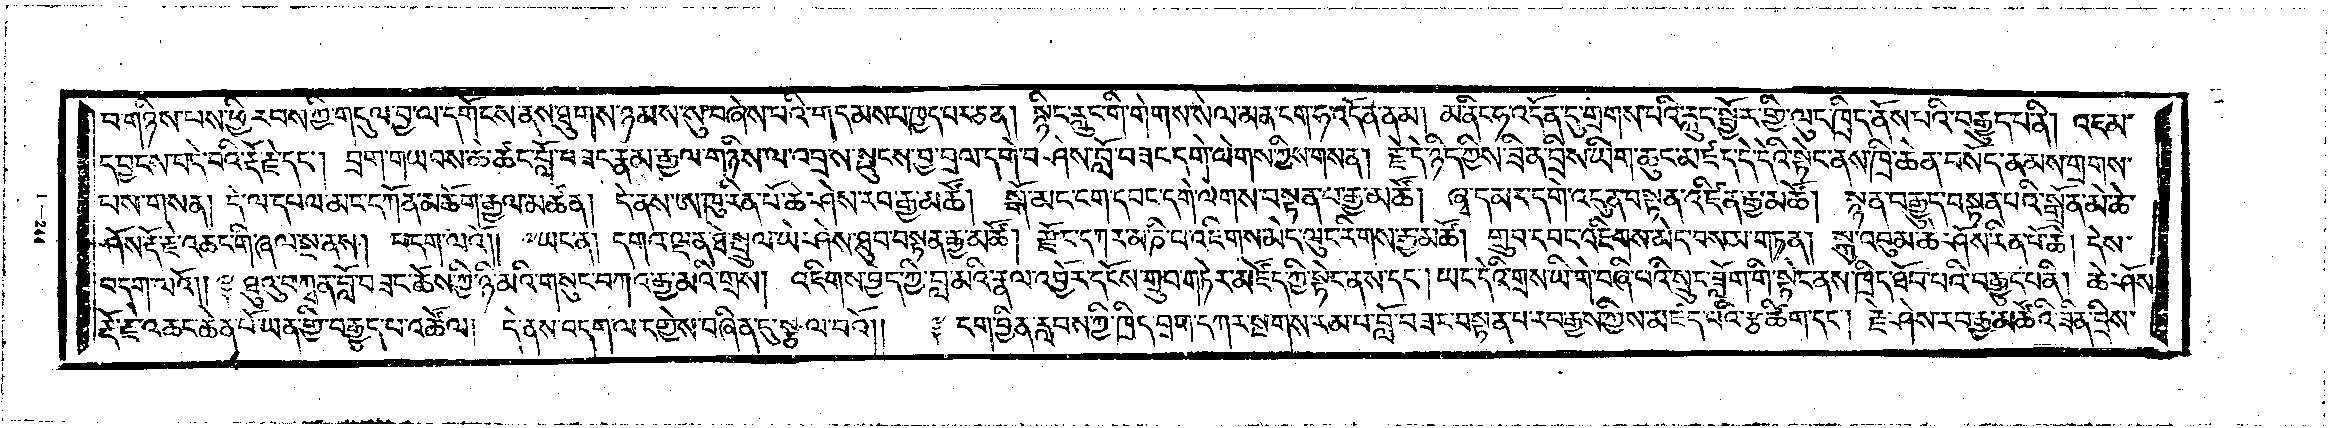བ་གཉིས་པས་ཕྱི་རབས་ཀྱི་གདུལ་བྱ་ལ་དགོངས་ནས་ཐུགས་ཉམས་སུ་བཞེས་པའི་གདམས་པ་ཁྱད་པར་ཅན། སྙིང་རླུང་གི་གེགས་སེལ་མན་ངག་ཧ་འདོན་ནམ། མ་ནིང་ཧ་འདོན་དུ་གྲགས་པའི་རླུང་སྦྱོར་གྱི་ལུང་ཁྲིད་ནོས་པའི་བརྒྱུད་པ་ནི། འཇམ་
དབྱངས་བདེ་བའི་རྡོ་རྗེ་དང་། བྲག་གཡབས་ཆེ་ཚང་བློ་བཟང་རྣམ་རྒྱལ་གཉིས་ལ་འབྲས་སྤུངས་བྱ་བྲལ་དགེ་བཤེས་བློ་བཟང་དགེ་ལེགས་ཀྱིས་གསན། རྗེ་དེ་ཉིད་ཀྱིས་ཟིན་བྲིས་ཡིག་ཆུང་མཛད་དེ་དེའི་སྟེང་ནས་ཁྲི་ཆེན་བསོད་ནམས་གྲགས་
པས་གསན། དེ་ལ་དཔལ་མང་དཀོན་མཆོག་རྒྱལ་མཚན། དེ་ནས་ཨ་ཁུ་རིན་པོ་ཆེ་ཤེས་རབ་རྒྱ་མཚོ། སྒོ་མང་ངག་དབང་དགེ་ལེགས་བསྟན་པ་རྒྱ་མཚོ། ཞྭ་དམར་དགེ་འདུན་བསྟན་འཛིན་རྒྱ་མཚོ། སྙན་བརྒྱུད་བསྟན་པའི་སྒྲོན་མེ་ཆེ་
ཤོས་རྡོ་རྗེ་འཆང་གི་ཞལ་སྔ་ནས། བདག་ལའོ།། ༧ཡང་ན། དགའ་ལྡན་ཐེ་སྤྲུལ་ཡེ་ཤེས་ཐུབ་བསྟན་རྒྱ་མཚོ། རྫོང་དཀར་མ་ཎི་བ་འཇིགས་མེད་ལུང་རིགས་རྒྱ་མཚོ། གྲུབ་དབང་འཇིགས་མེད་བསམ་གཏན། སྐུ་འབུམ་ཆེ་ཤོས་རིན་པོ་ཆེ། དེས་
བདག་ལའོ།། འ་ཐུའུ་བ་ཀྭན་བློ་བཟང་ཆོས་ཀྱི་ཉི་མའི་གསུང་བཀའ་རྒྱ་མའི་གྲས། འཇིགས་བྱེད་ཀྱི་བླ་མའི་རྣལ་འབྱོར་དངོས་གྲུབ་གཏེར་མཛོད་ཀྱི་སྟེང་ནས་དང་།ཡང་དེའི་གྲས་ཡི་གེ་བཞི་པའི་སྲུང་ཟློག་གི་སྟེང་ནས་ཁྲིད་ཐོབ་པའི་བརྒྱུད་པ་ནི། ཆེ་ཤོས་
རྡོ་རྗེ་འཆང་ཆེན་པོ་ཡན་གྱི་བརྒྱུད་པ་འཚོལ། དེ་ནས་བདག་ལ་དགྱེས་བཞིན་དུ་སྩལ་བའོ།། འ་ངག་བྱིན་རླབས་ཀྱི་ཁྲིད་བྲག་དཀར་སྔགས་རམ་པ་བློ་བཟང་བསྟན་པ་རབ་རྒྱས་ཀྱིས་མཛད་པའི་རྩ་ཚིག་དང་། རྗེ་ཤེས་རབ་རྒྱ་མཚོའི་ཟིན་བྲིས་